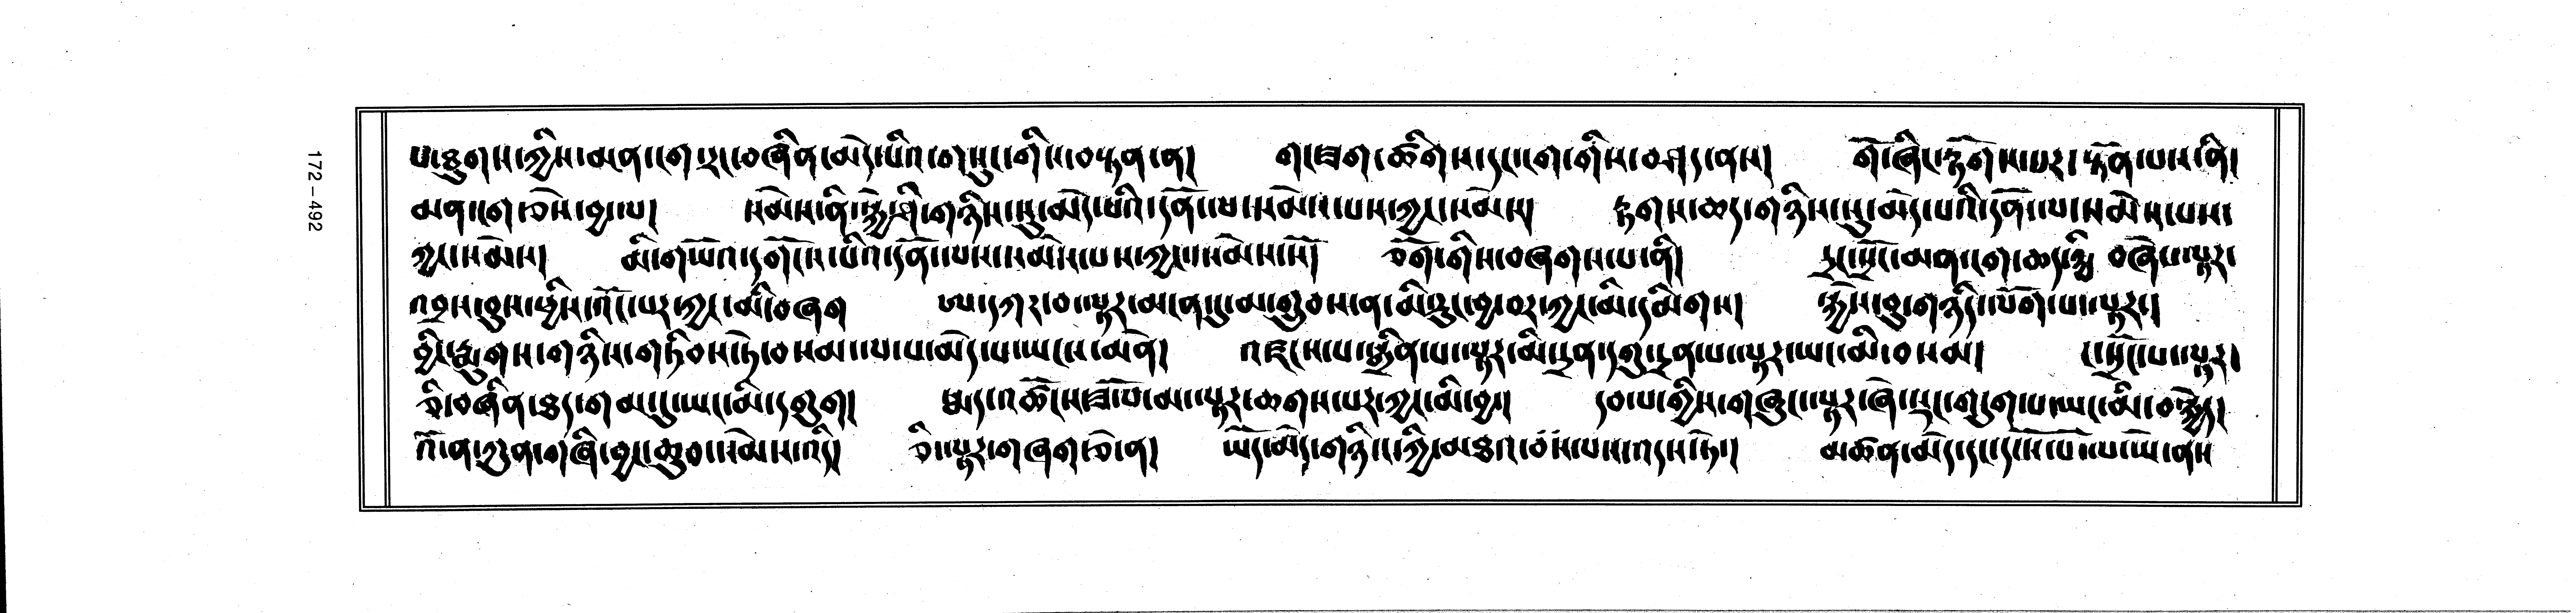པ་ཐུགས་ཀྱིས་མན་ངག་རང་བཞིན་མེད་པའི་གསུང་གིས་བསྟན་ན། གང་ཟག་ཚིག་དང་ངག་གིས་བཤད་ནས། གོ་ཞིང་རྟོགས་པར་སྟོན་པས་ནི། 
མན་ངག་ཅེས་བྱ་ལ། སེམས་ནི་སྐྱེ་ཤི་གཉིས་སུ་མེད་པའི་དོན་ལ་སེམས་པས་ཀྱང་སེམས། རྟག་ཆད་གཉིས་སུ་མེད་པའི་དོན་ལ་སེམས་པས་
ཀྱང་སེམས། མི་གཡོའ་དགོངས་པའི་དོན་ལས་སེམས་པས་ཀྱང་སེམས་སོ། ཅོག་གིས་བཞགས་པ་ནི། དྲང་སྲོང་མན་ངག་ཆད་གཉིས་བཞེང་ལྟར་
འབྲས་བུ་ཕྱིས་འོང་པར་ཀྱང་མི་བཞག ཨ་དཀར་བ་ལྟར་མངན་དུ་མ་གྲུབས་ན་མི་རུང་བྱ་བར་ཀྱང་མི་དམིགས། སྐྱེས་བུ་གཉིད་ལོག་པ་ལྟར། 
བྱིང་རྨུགས་གཉིས་གཏིབས་ཏེ་བསམ་པ་མེད་པ་ཡང་མེན། འཛངས་པ་སྒྲིན་པ་ལྟར་མི་དྲན་དགུ་དྲན་པ་ལྟར་ཡང་མི་བསམ། དྲངས་སྲོང་པ་ལྟར་
ཅི་བཞིན་ཐད་གམ་དུ་ཡང་མི་དགུག སྨད་འཚོངས་ཟོལ་མ་ལྟར་ཆགས་པར་ཀྱང་མི་བྱ། དབལ་གྱིས་གཞུང་ལྟར་ཞེ་སྡང་གདུག་པ་ཡང་མི་བསྐྱེད། 
འོ་ན་ཀུན་གཞི་བྱང་ཆུབ་སེམས་འདི། ཅི་ལྟར་གཞག་ཅེ་ན། ཡོད་མེད་གཉིས་ཀྱི་མཐའ་ལས་འདས་ཏེ། མཚན་མེད་དང་དངོས་པོ་ལ་ཡེ་ནས་